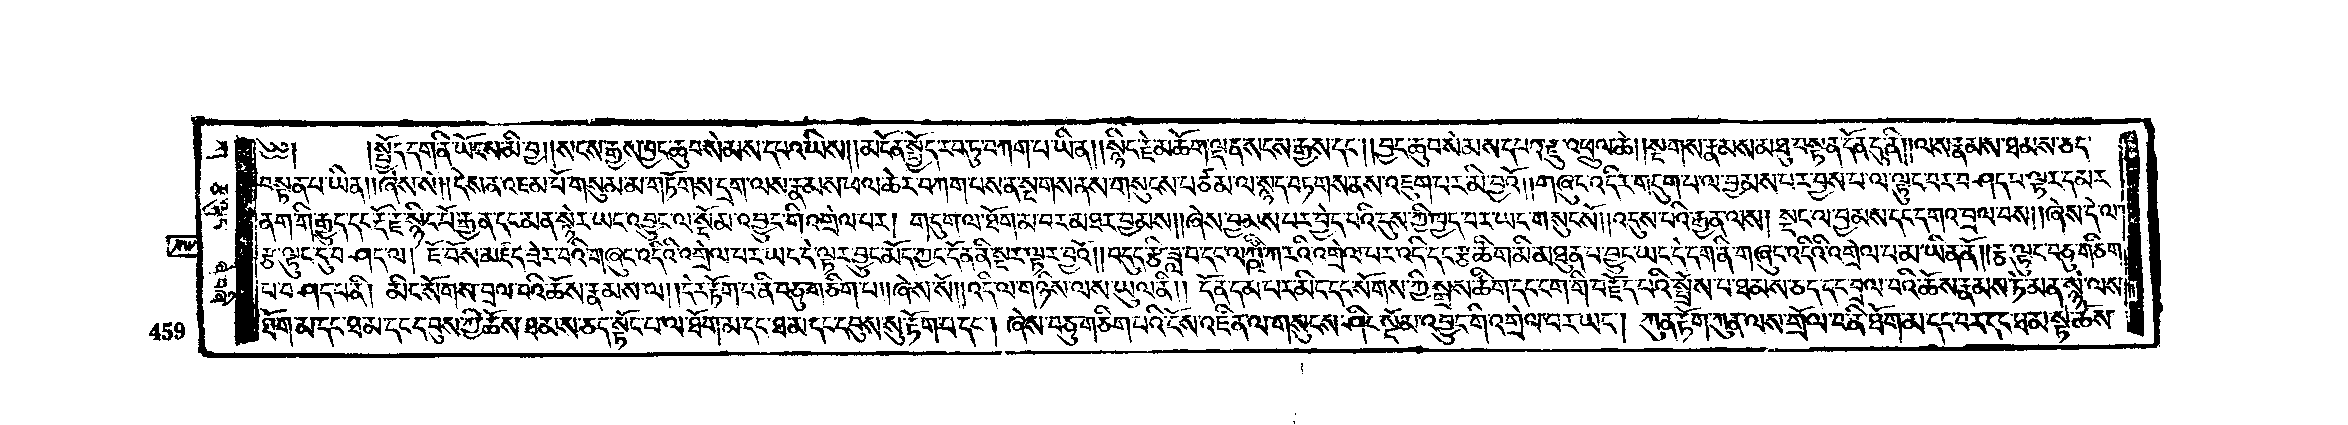༄༅། །སྤྱོད་དག་ནི་ཡོངས་མི་བྱ། །སངས་རྒྱས་བྱང་ཆུབ་སེམས་དཔའ་ཡིས། །མངོན་སྤྱོད་རབ་ཏུ་བཀག་པ་ཡིན། །སྙིང་རྗེ་མཆོག་ལྡན་སངས་རྒྱས་དང་། །བྱང་ཆུབ་སེམས་དཔའ་རྫུ་འཕྲུལ་ཆེ། །སྔགས་རྣམས་མཐུ་བསྟན་དོན་དུ་ནི། །ལས་རྣམས་ཐམས་ཅད་
བསྟན་པ་ཡིན། །ཞེས་སོ། །དེས་ན་འཇམ་པོ་གསུམ་མ་གཏོགས་དྲག་ལས་རྣམས་ཕལ་ཆེར་བཀག་པས་ན་སྔགས་ནས་གསུངས་པ་ཙམ་ལ་སྙད་བཏགས་ནས་འཇུག་པར་མི་བྱའོ། །གཞུང་འདིར་གདུག་པ་ལ་བྱམས་པར་བྱས་པ་ལ་ལྟུང་བར་བཤད་པ་ལྟར་དམར་
ནག་གི་རྒྱུད་དང་རྡོ་རྗེ་སྙིང་པོ་རྒྱན་དང་མན་སྙེར་ཡང་འབྱུང་ལ་སྡོམ་འབྱུང་གི་འགྲེལ་པར། གདུག་ལ་ཐོག་མ་བར་མཐར་བྱམས། །ཞེས་བྱམས་པར་བྱེད་པའི་དུས་ཀྱི་ཁྱད་པར་ཡང་གསུངས་སོ། །འདུས་པའི་རྒྱན་ལས། སྡང་ལ་བྱམས་དང་དགའ་བྲལ་བས། །ཞེས་དེ་ལ་
རྩ་ལྟུང་དུ་བཤད་ལ། ཇོ་བོས་མཛད་ཟེར་བའི་གཞུང་འདིའི་འགྲེལ་པར་ཡང་དེ་ལྟར་བྱུང་མོད་ཀྱང་དོན་ནི་སྔར་ལྟར་བྱའོ། །བདུད་རྩི་ཟླ་བ་དང་ལཀྵིཾ་ཀ་རའི་འགྲེལ་པར་འདི་དང་རྩ་ཚིག་མི་མཐུན་པ་བྱུང་ཡང་དེ་དག་ནི་གཞུང་འདིའི་འགྲེལ་པ་མ་ཡིན་ནོ། །རྩ་ལྟུང་བཅུ་གཅིག་
པ་བཤད་པ་ནི། མིང་སོགས་བྲལ་བའི་ཆོས་རྣམས་ལ། །དེར་རྟོག་པ་ནི་བཅུ་གཅིག་པ། །ཞེས་སོ། །འདི་ལ་གཉིས་ལས་ཡུལ་ནི།། དོན་དམ་པར་མིང་དང་སོགས་ཀྱི་སྒྲས་ཚིག་དང་ངག་གི་བརྗོད་པའི་སྤྲོས་པ་ཐམས་ཅད་དང་བྲལ་བའི་ཆོས་རྣམས་ཏེ་མན་སྙེ་ལས།། ཐོག་མ་དང་ཐ་མ་དང་དབུས་ཀྱི་ཆོས་ཐམས་ཅད་སྟོང་པ་ལ་ཐོག་མ་དང་ཐ་མ་དང་དབུས་སུ་རྟོག་པ་དང་། ཞེས་བཅུ་གཅིག་པའི་ངོས་འཛིན་ལ་གསུངས་ཤིང་སྡོམ་འབྱུང་གི་འགྲེལ་པར་ཡང་། ཀུན་རྟོག་ཀུན་ལས་གྲོལ་བ་ནི་ཐོག་མ་དང་བར་དང་ཐ་མ་སྟེ་ཆོས་